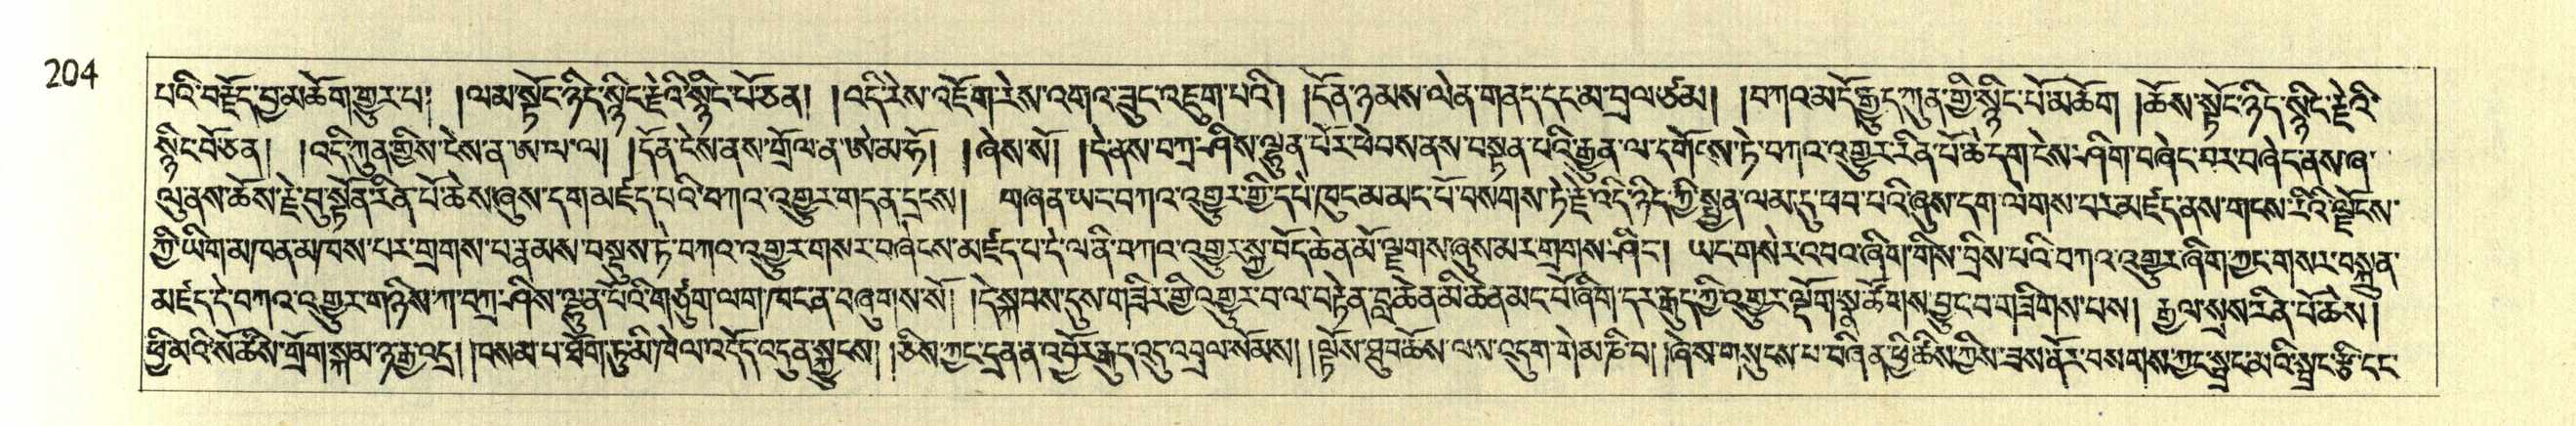པའི་བརྗོད་བྱ་མཆོག་གྱུར་པ། །ལམ་སྟོང་ཉིད་སྙིང་རྗེའི་སྙིང་པོ་ཅན། །འདི་རེས་འཇོག་རེས་འགའ་ཟུང་འཇུག་པའི། །དོན་ཉམས་ལེན་གནད་དང་མ་བྲལ་ཙམ། །བཀའ་མདོ་རྒྱུད་ཀུན་གྱི་སྙིང་པོ་མཆོག །ཆོས་སྟོང་ཉིད་སྙིང་རྗེའི་
སྙིང་བོ་ཅན། །འདི་ཀུན་གྱིས་ངེས་ན་ཨ་ལ་ལ། །དོན་ངེས་ནས་གྲོལ་ན་ཨེ་མ་ཧོ། །ཞེས་སོ། །དེ་ནས་བཀྲ་ཤིས་ལྷུན་པོར་ཕེབས་ནས་བསྟན་པའི་རྒྱུན་ལ་དགོངས་ཏེ་བཀའ་འགྱུར་རིན་པོ་ཆེ་དག་ངེས་ཤིག་བཞེང་བར་བཞེད་ནས་ཞ་
ལུ་ནས་ཆོས་རྗེ་བུ་སྟོན་རིན་པོ་ཆེས་ཞུས་དག་མཛད་པའི་བཀའ་འགྱུར་གདན་དྲངས། གཞན་ཡང་བཀའ་འགྱུར་གྱི་དཔེ་ཁུང་མ་མང་པོ་བསགས་ཏེ་རྗེ་འདི་ཉིད་ཀྱི་སྤྱན་ལམ་དུ་ཕབ་པའི་ཞུས་དག་ལེགས་པར་མཛད་ནས་གངས་རིའི་ལྗོངས་
ཀྱི་ཡིག་མཁན་མཁས་པར་གྲགས་པ་རྣམས་བསྡུས་ཏེ་བཀའ་འགྱུར་གསར་བཞེངས་མཛད་པ་དེ་ལ་ནི་བཀའ་འགྱུར་སྐྱ་བོད་ཆེན་མོ་ལྗགས་ཞུས་མར་གྲགས་ཤིང་། ཡང་གསེར་འབའ་ཞིག་གིས་བྲིས་པའི་བཀའ་འགྱུར་ཞིག་ཀྱང་གསར་བསྐྲུན་
མཛད་དེ་བཀའ་འགྱུར་གཉིས་ཀ་བཀྲ་ཤིས་ལྷུན་པོའི་གཙུག་ལག་ཁང་ན་བཞུགས་སོ། །དེ་སྐབས་དུས་གཟིར་གྱི་འགྱུར་བ་ལ་བརྟེན་བླ་ཆེན་མི་ཆེན་མང་པོ་ཞིག་དར་རྒུད་ཀྱི་འགྱུར་ལྡོག་སྣ་ཚོགས་བྱུང་བ་གཟིགས་པས། རྒྱལ་སྲས་རིན་པོ་ཆེས།
ཕྱི་མའི་སོ་ཚིས་གྲོག་སྐམ་ཉ་རྒྱ་འདྲ། །བསམ་པ་ཐོག་ཏུ་མི་ཁེལ་འདོད་འདུན་སྐྱུངས། །ཅིས་ཀྱང་དྲན་ན་འབྱོར་རྒུད་འདུ་འབྲལ་སོམས། །ལྟོས་ཐུབ་ཆོས་ལས་འདུག་གེ་མ་ཎི་བ། །ཞེས་གསུངས་པ་བཞིན་ཕྱི་ཚིས་ཀྱིས་ཟས་ནོར་བསགས་ཀྱང་སྦྲང་མའི་སྦྲང་རྩི་དང་